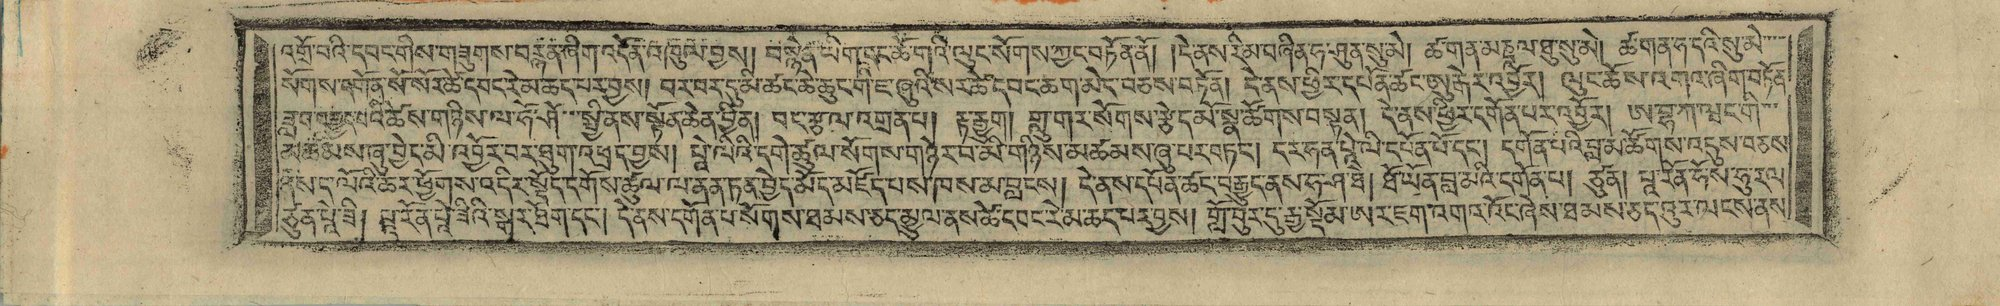འགྲོ་བའི་དབང་གིས་གཟུགས་བརྙན་ཞིག་འདོན་འཁུལ་བྱས། བསྙེན་ཡིག་དང་ཆོ་གའི་ལུང་སོགས་ཀྱང་བཏོན་ནོ། །དེ་ནས་རིམ་བཞིན་ཧ་ཤུན་སུ་མེ། ཚ་གན་མཎྜལ་ཐུ་སུ་མེ། ཚ་གན་ཧ་དའི་སུ་མེ་
སོགས་དགོན་སོ་སོར་ཚེ་དབང་རེ་མ་ཆད་པར་བྱས། བར་བར་དུ་མི་ཚང་ཆེ་ཆུང་གི་ཇ་ཞུའི་སར་ཚེ་དབང་ཆག་མེད་བཅས་བཏོན། དེ་ནས་ཕྱིར་དཔོན་ཚང་ཨུརྒེར་འབྱོར། ལུང་ཆོས་འགའ་ཞིག་བཏོན་
ཟླ་བ་བརྒྱད་པའི་ཚེས་གཉིས་ལ་ཧོ་ཤོ་སྤྱི་ནས་སྟོན་ཆེན་བྱིན། བང་རྩལ་འགྲན་པ། རྟ་རྒྱུག །གླུ་གར་སོགས་རྩེད་མོ་སྣ་ཚོགས་བསྟན། དེ་ནས་ཕྱིར་དགོན་པར་འབྱོར། ཨ་བྷ་ཀ་ཝང་གི་
མཚམས་ཞུ་བྱེད་མི་འབྱོར་བར་ཐུག་འཕྲད་བྱས། པE་ལིའི་དགེ་ཚུལ་སོགས་གཉེར་བ་མི་གཉིས་མཚམས་ཞུ་པར་བཏང་། དར་ཧན་པE་ལི་དཔོན་པོ་དང་། དགོན་པའི་བླ་མ་ཚོགས་འདུས་བཅས་
ནས་ད་ལོའི་ཆར་ཕྱོགས་འདིར་སྡོད་དགོས་ཚུལ་ལ་ནན་ཏན་བྱེད་མོད་མཛོད་པས་ཁས་མ་བླངས། དེ་ནས་དཔོན་ཚང་བརྒྱུད་ནས་ཧ་ཤ་ཐེ། ཐོ་ཡོན་བླ་མའི་དགོན་པ། ཙུན། པཱ་རོན་ཧོ་ས་ཧུ་རལ་
ཙུན་པE་ཟི། པཱ་རོན་པE་ཟིའི་སྒར་ཐོག་དང་། དེ་ནས་དགོན་པ་སོགས་ཐམས་ཅད་མྱུལ་ནས་ཚེ་དབང་རེ་མ་ཆད་པར་བྱས། གློ་བུར་དུ་རྒྱ་སྡོམ་ཨར་ཇག་འགའ་འོང་ཞེས་ཐམས་ཅད་འུར་ལངས་ནས་